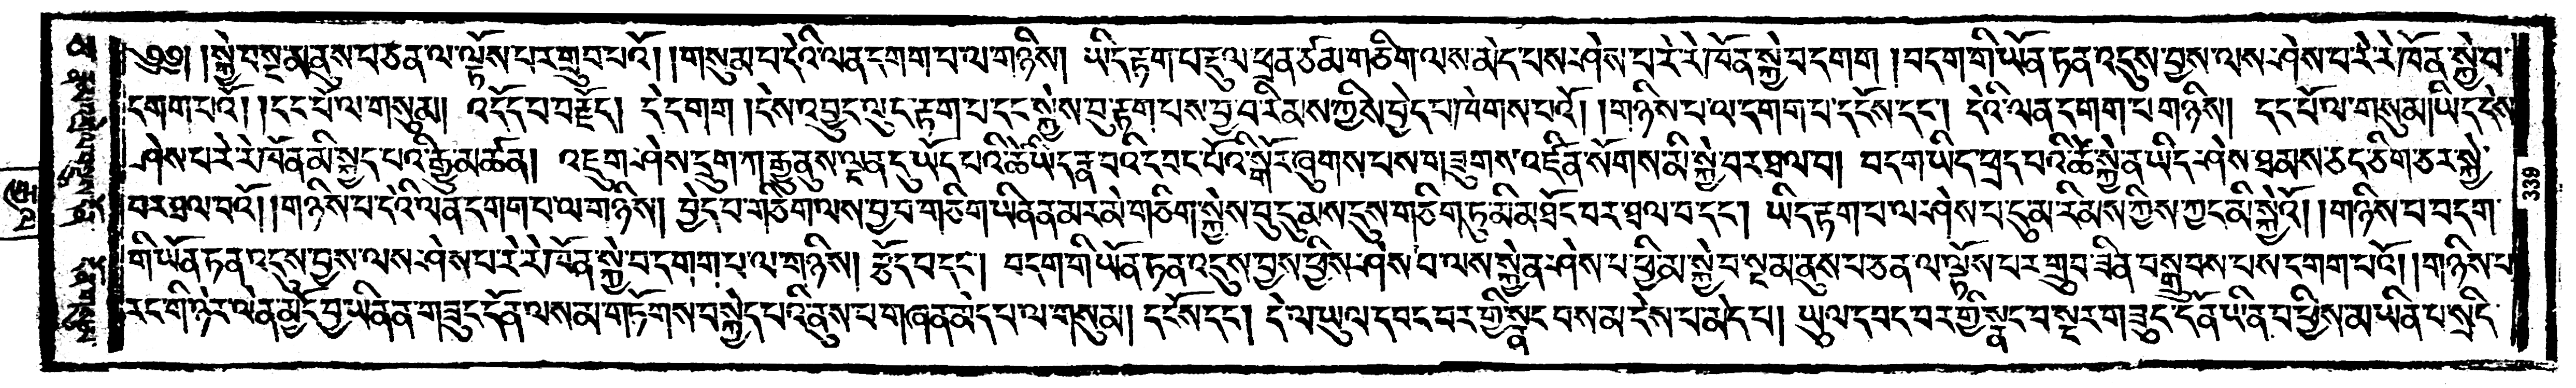༄༅། །སྐྱེ་བ་སྔ་མ་ནུས་པ་ཅན་ལ་ལྟོས་པར་གྲུབ་པའོ། །གསུམ་པ་དེའི་ལན་དགག་པ་ལ་གཉིས། ཡིད་རྟག་པ་རྡུལ་ཕྲན་ཙམ་གཅིག་ལས་མེད་པས་ཤེས་པ་རེ་རེ་ཁོ་ན་སྐྱེ་བ་དགག །བདག་གི་ཡོན་ཏན་འདུས་བྱས་ལས་ཤེས་པ་རེ་རེ་ཁོ་ན་སྐྱེ་བ་
དགག་པའོ། །དང་པོ་ལ་གསུམ། འདོད་པ་བརྗོད། དེ་དགག །ངེས་འབྱུང་ལུང་རྟག་པ་དང་སྐྱེས་བུ་རྟག་པས་བྱ་བ་རིམས་ཀྱིས་བྱེད་པ་ཁེགས་པའོ། །གཉིས་པ་ལ་དགག་པ་དངོས་དང་། དེའི་ལན་དགག་པ་གཉིས། དང་པོ་ལ་གསུམ། ཡིད་ངེས་
ཤེས་པ་རེ་རེ་ཁོན་མི་སྐྱད་པའི་རྒྱུ་མཚན། འཇུག་ཤེས་དྲུག་ཀ་རྒྱུ་ནུས་ལྡན་དུ་ཡོད་པའི་ཚེ་ཡིད་རྣ་བའི་དབང་པོའི་སྒོར་ཞུགས་པས་གཟུགས་འཛིན་སོགས་མི་སྐྱེ་བར་ཐལ་བ། བདག་ཡིད་ཕྲད་པའི་ཚེ་སྐྱེ་ན་ཡིད་ཤེས་ཐམས་ཅད་ཅིག་ཅར་སྐྱེ་
བར་ཐལ་བའོ། །གཉིས་པ་དེའི་ལན་དགག་པ་ལ་གཉིས། བྱེད་པ་གཅིག་ལས་བྱ་བ་གཅིག་ཡིན་ན་མར་མེ་གཅིག་སྐྱེས་བུ་དུ་མས་དུས་གཅིག་ཏུ་མི་མཐོང་བར་ཐལ་བ་དང་། ཡིད་རྟག་པ་ལ་ཤེས་པ་དུ་མ་རིམས་ཀྱིས་ཀྱང་མི་སྐྱེའོ། །གཉིས་པ་བདག་
གི་ཡོན་ཏན་འདུས་བྱས་ལས་ཤེས་པ་རེ་རེ་ཁོ་ན་སྐྱེ་བ་དགག་པ་ལ་གཉིས། རྩོད་པ་དང་། བདག་གི་ཡོན་ཏན་འདུས་བྱས་ཕྱིས་ཤེས་པ་ལས་སྐྱེན་ཤེས་པ་ཕྱི་མ་སྐྱེ་བ་སྔ་མ་ནུས་པ་ཅན་ལ་ལྟོས་པར་གྲུབ་ཟིན་བསྒྲུབས་པས་དགག་པའོ། །གཉིས་པ་
རང་གི་ཉེར་ལེན་མྱོང་བྱ་ཡིན་ན་གཟུང་དོན་ལས་མ་གཏོགས་བསྐྱེད་པའི་ནུས་པ་གཞན་མེད་པ་ལ་གསུམ། དངོས་དང་། དེ་ལ་ཡུལ་དབང་བར་གྱི་སྣང་བས་མ་ངེས་པ་མེད་པ། ཡུལ་དབང་བར་གྱི་སྣང་བ་སྔར་གཟུང་དོན་ཡིན་པ་ཕྱིས་མ་ཡིན་པ་སྲིད་